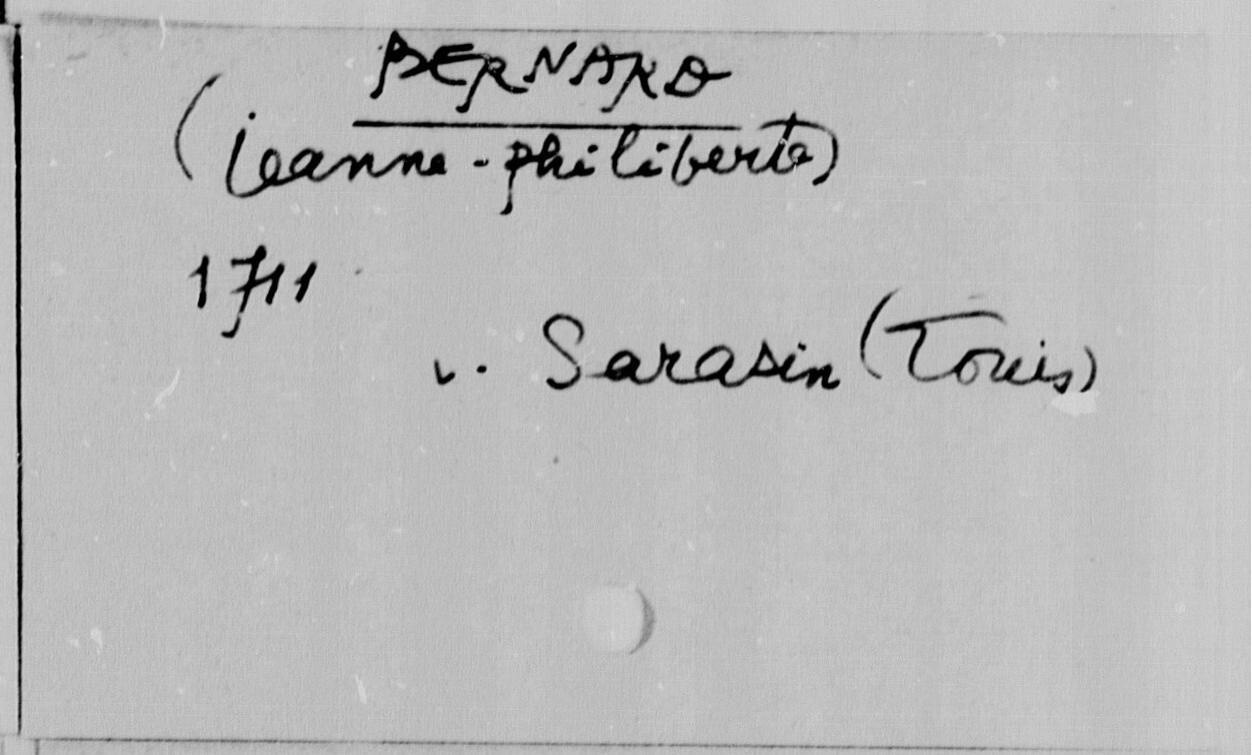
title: BERNARD (Jeanne-Philiberte)
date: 1711
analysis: Voir SARASIN (Louis)
